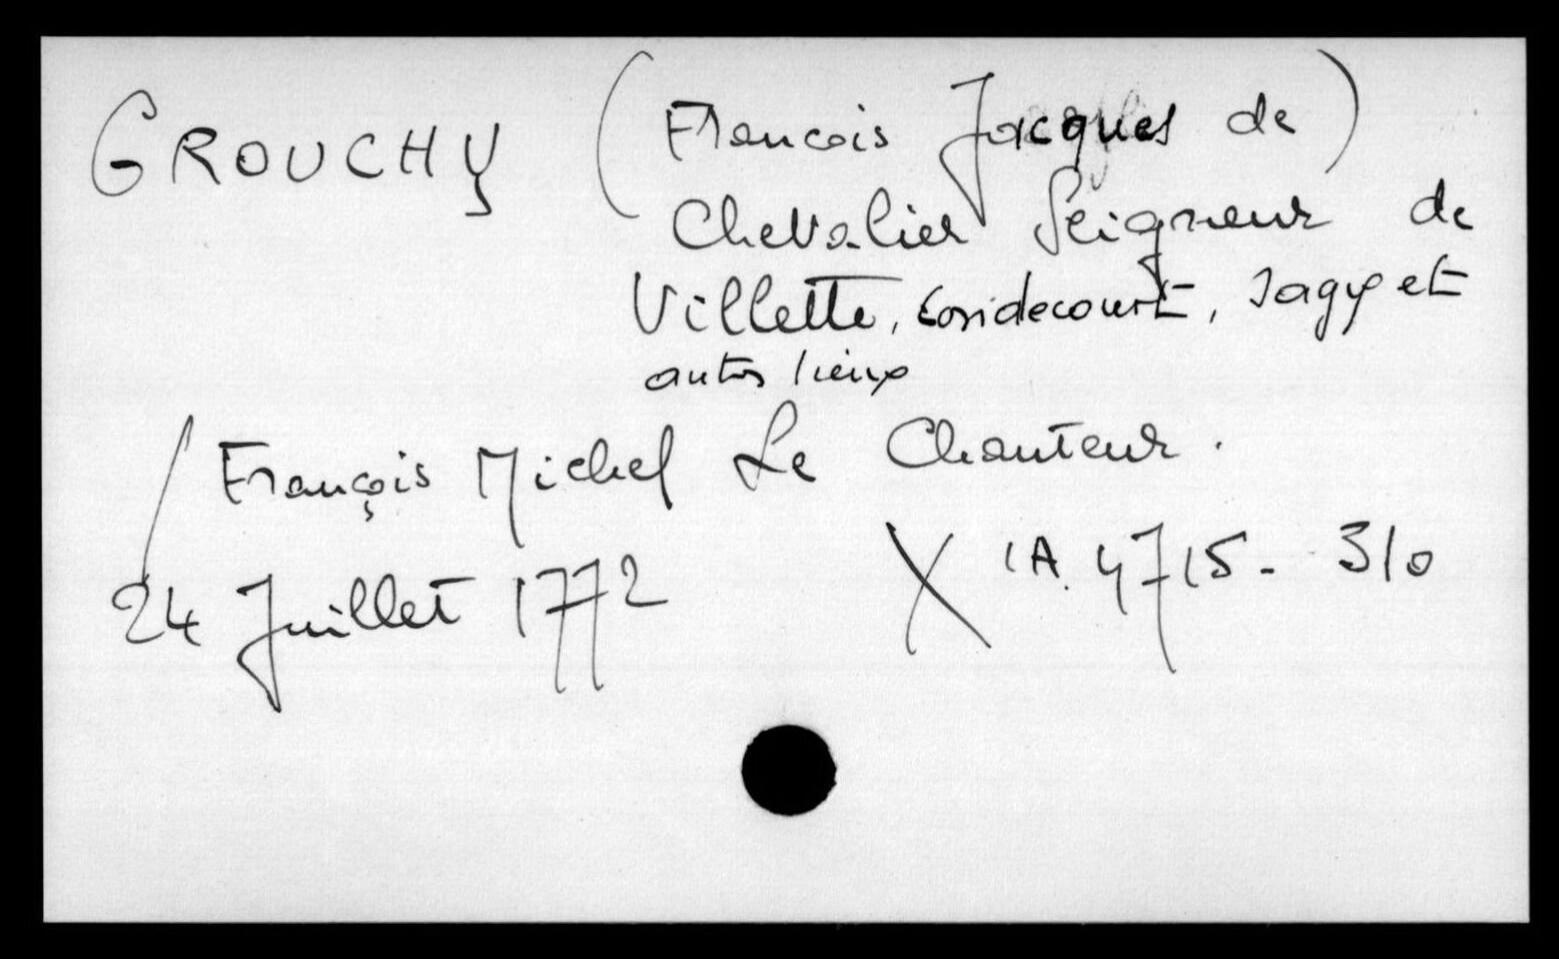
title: GROUCHY (François Jacques de), chevalier, eigneur de Villette, Condecourt, Sagy et autres lieux
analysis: Contre François Michel Le Chanteur
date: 24 juillet 1772
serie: X1A
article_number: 4715
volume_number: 310
